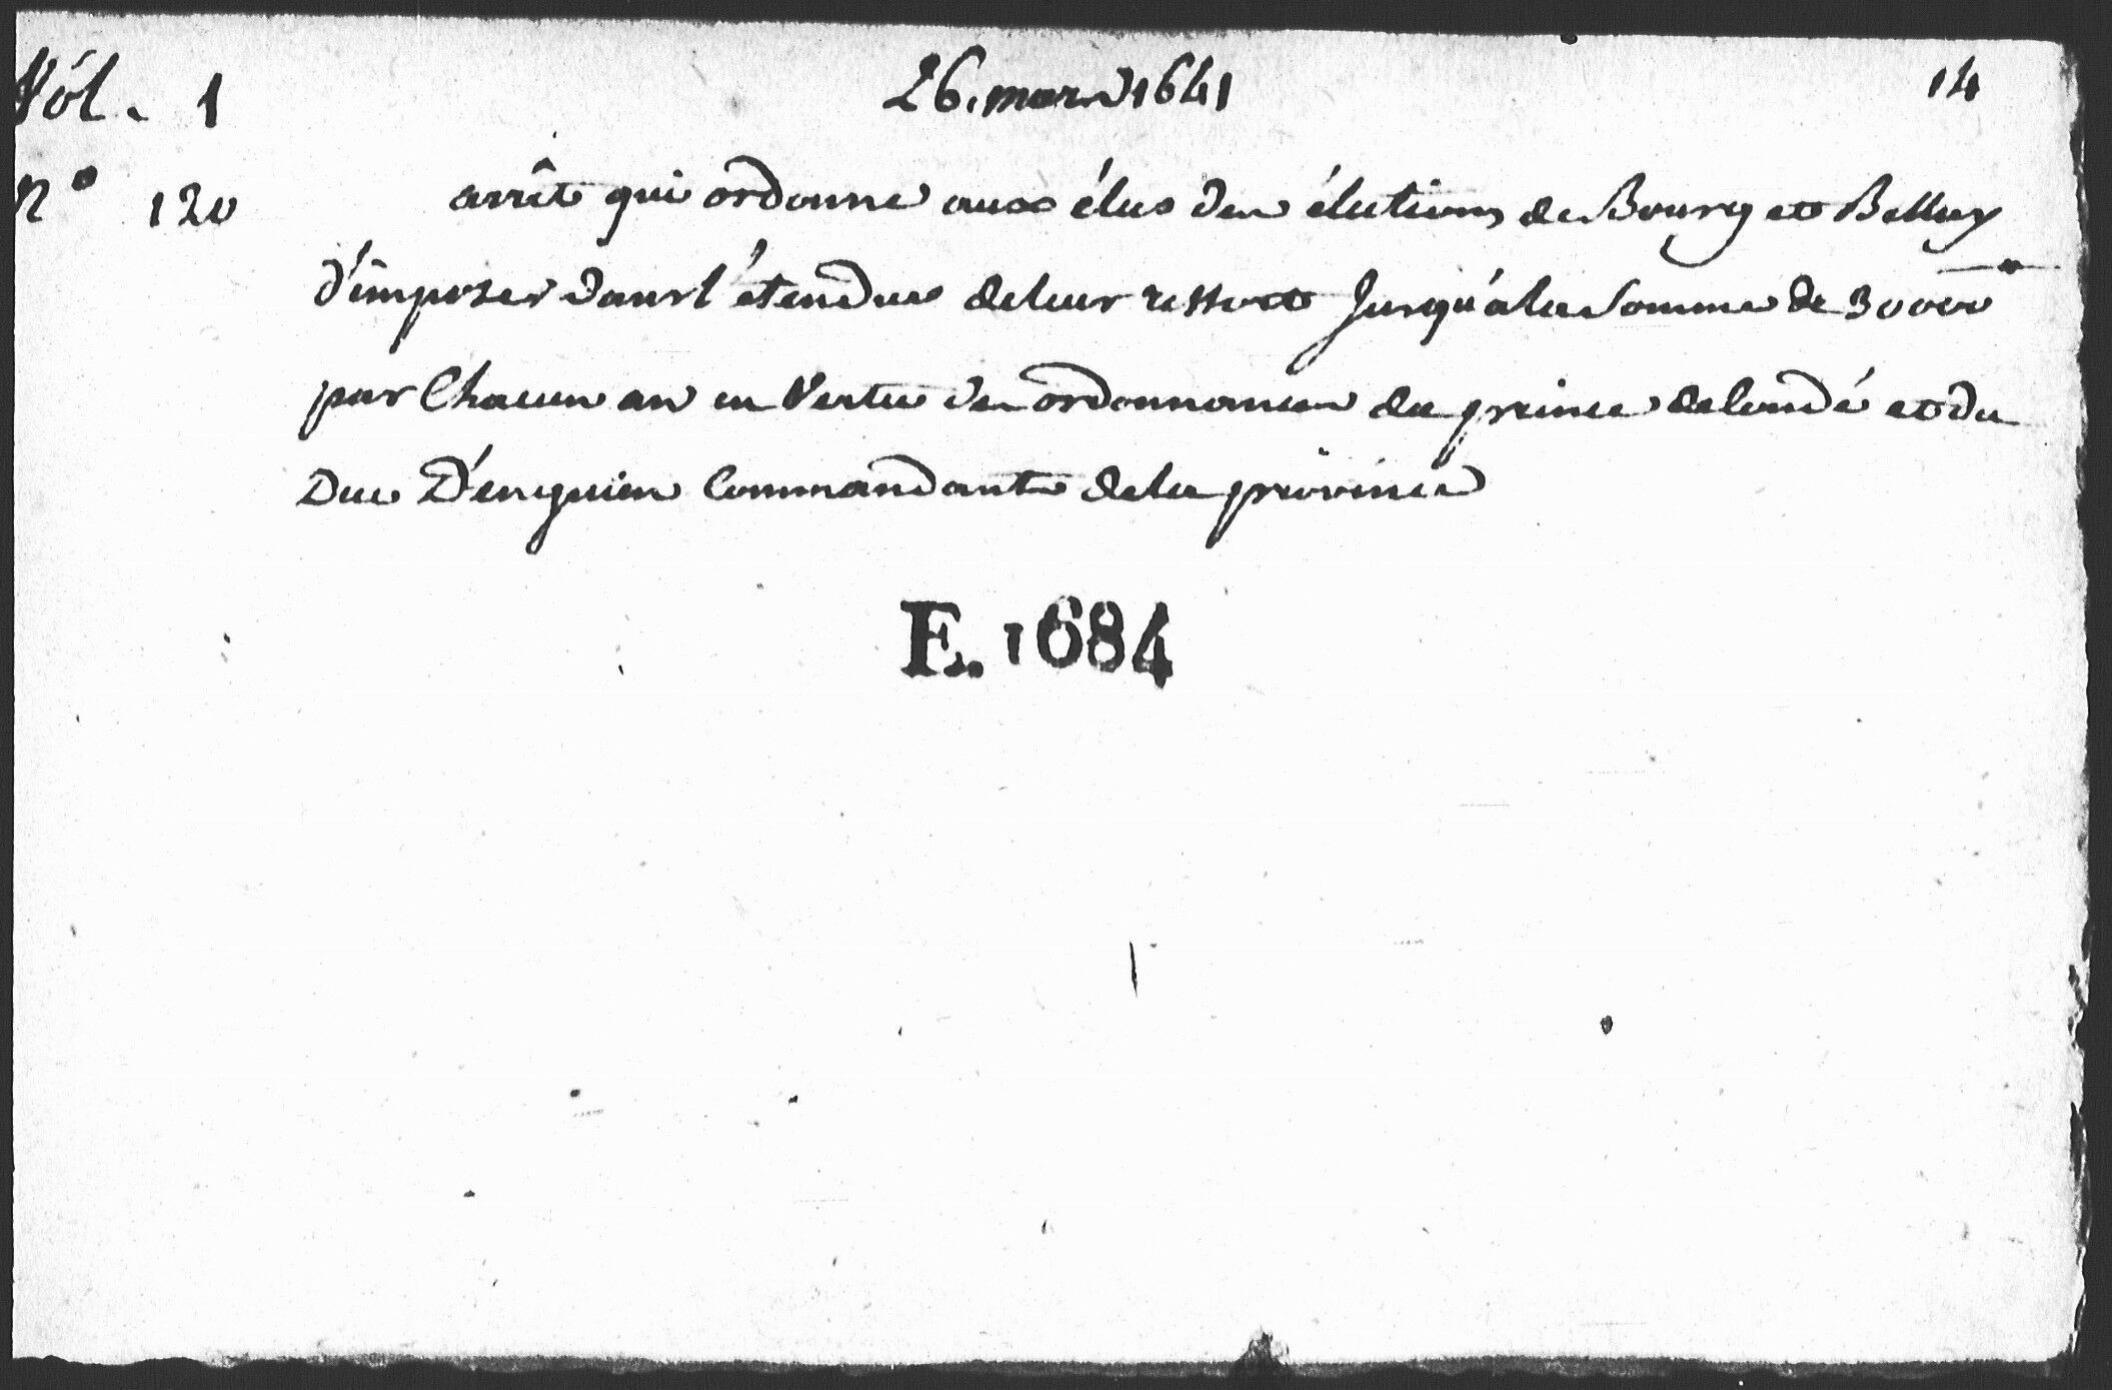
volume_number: n° 120
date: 26 mars 1641
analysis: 14
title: Arrêt qui ordonne aux élus des élections de Bourg et Bellay d'imposer dans l'etendue de leur ressort jusqu'à la somme de 30000 livres par chacun an en vertu des ordonnances du prince de condé et du Duc D'Enguien commandants de la province.
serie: E
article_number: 1684
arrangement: Volume 1
